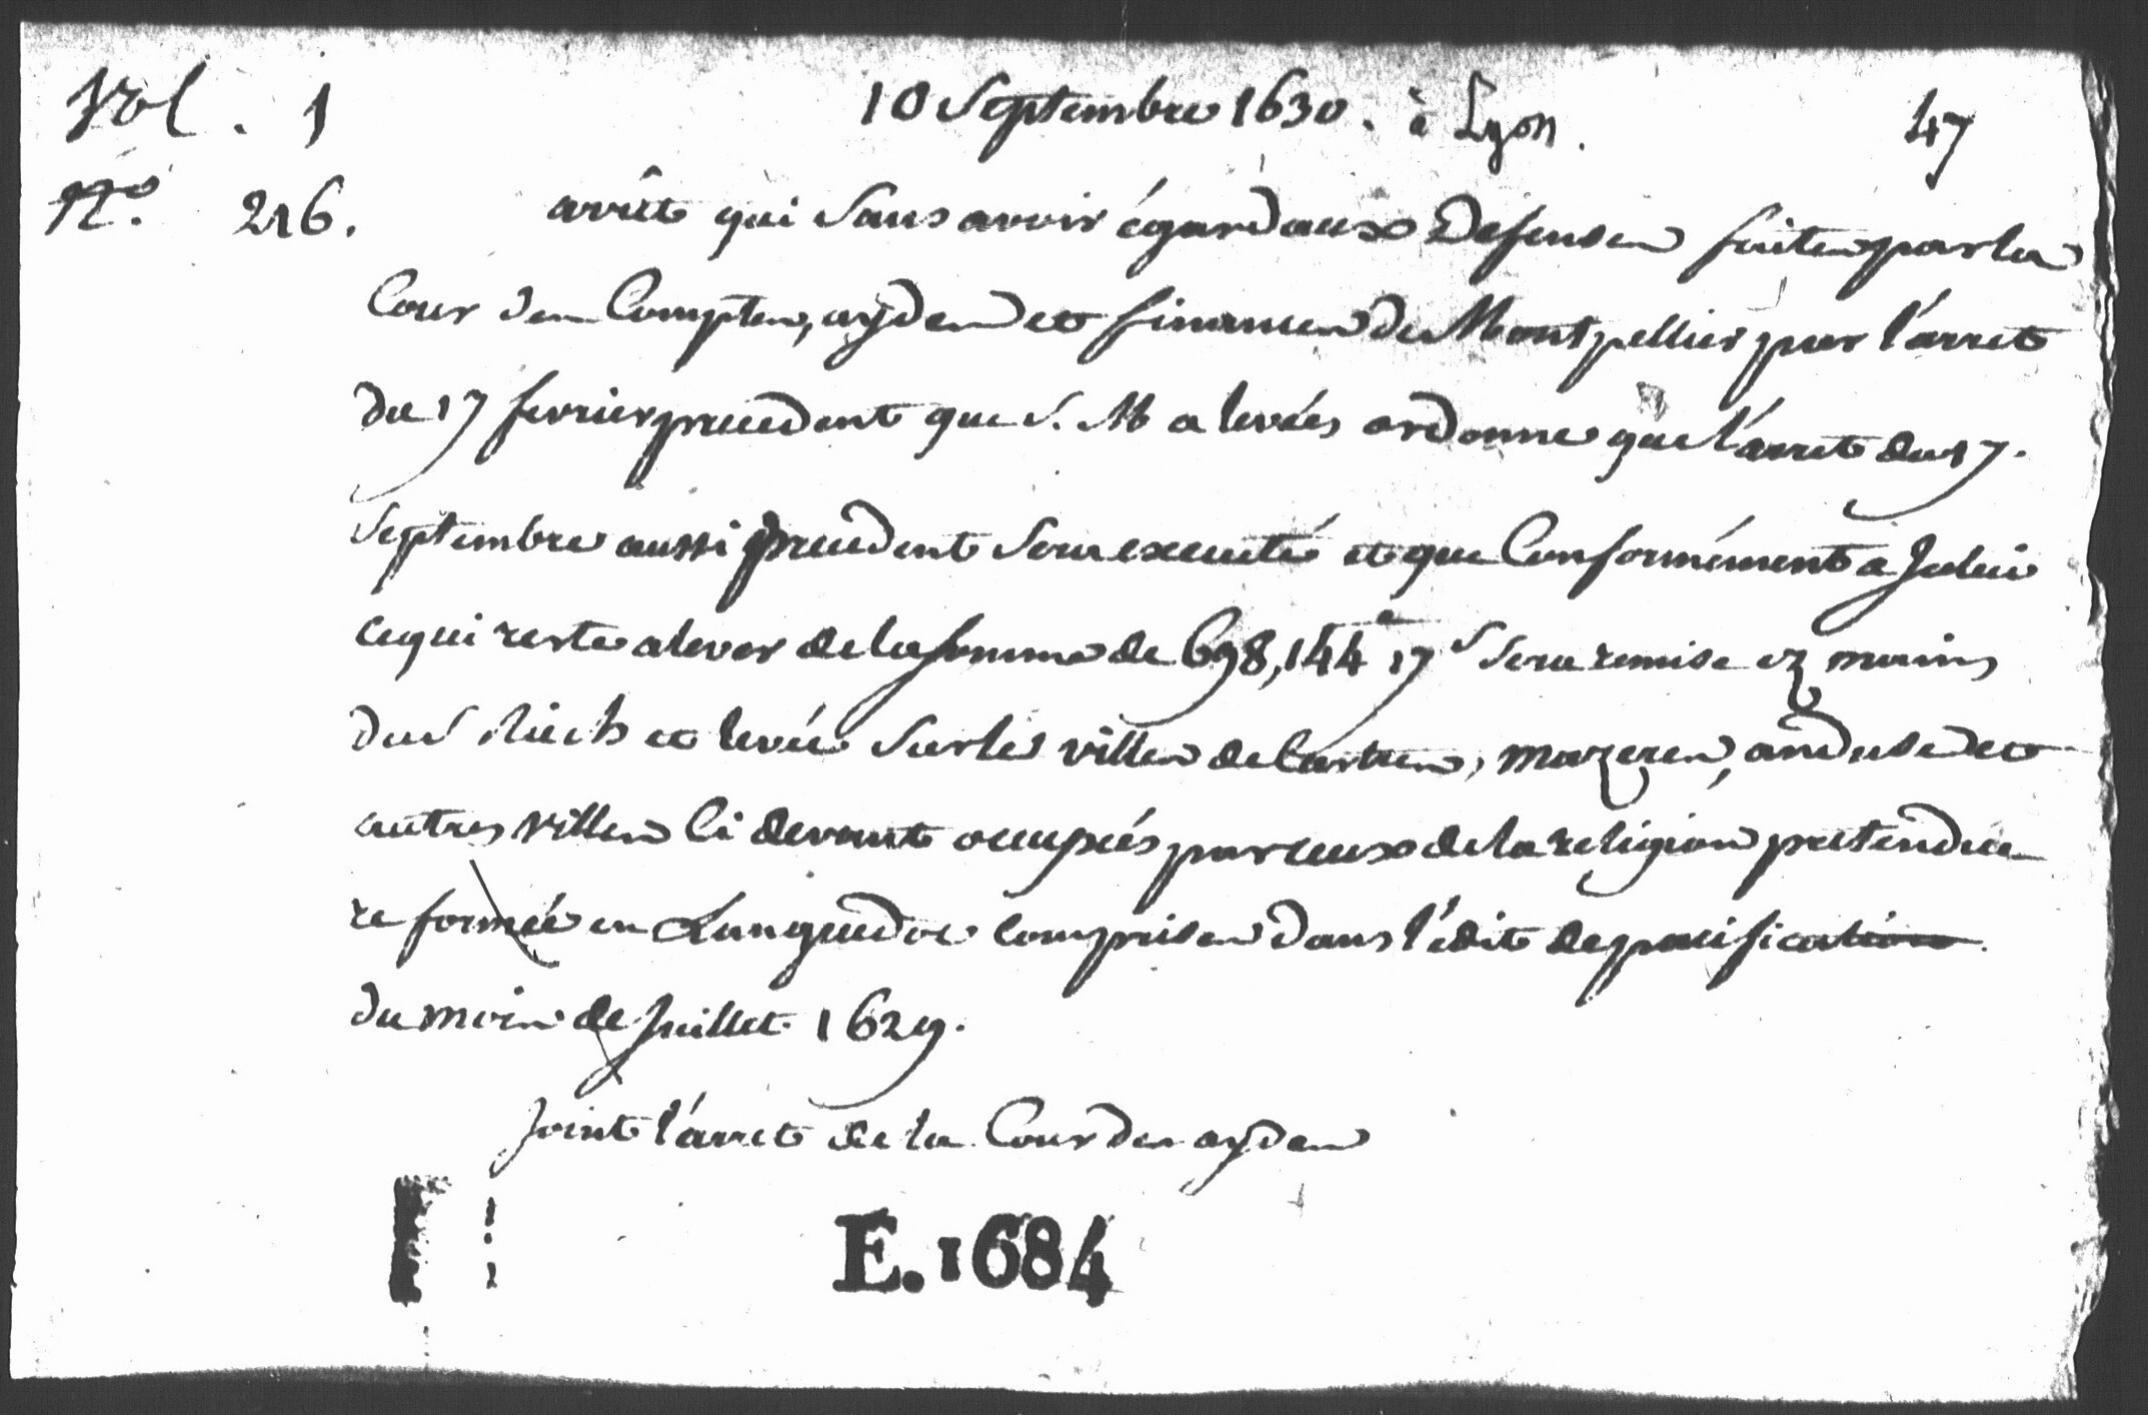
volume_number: n°216
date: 10 septembre 1630
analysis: à Lyon 47
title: arrêt qui sans avoir égard aux defenses faites par la Cour des Comptes, aydes et finances de Montpeller par l'arret du 17 fevrier precedent que S. M. a levées ordonne que l'arret du 17 septembre aussi precedent sera executé et que conformément a icelui ce qui reste a lever de la somme de 698,144 # 17 s. sera remise ez mains du S Riech et levée sur les villes de Castres, Mazeres, Anduse et autres villes ci-devant occupées par ceux de la religion pretendue reformée en Languedoc comprises dans l'edit de pacification du mois de juillet 1629 Joint l'arret de la Cour des aydes
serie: E
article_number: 1684
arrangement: vol.1
